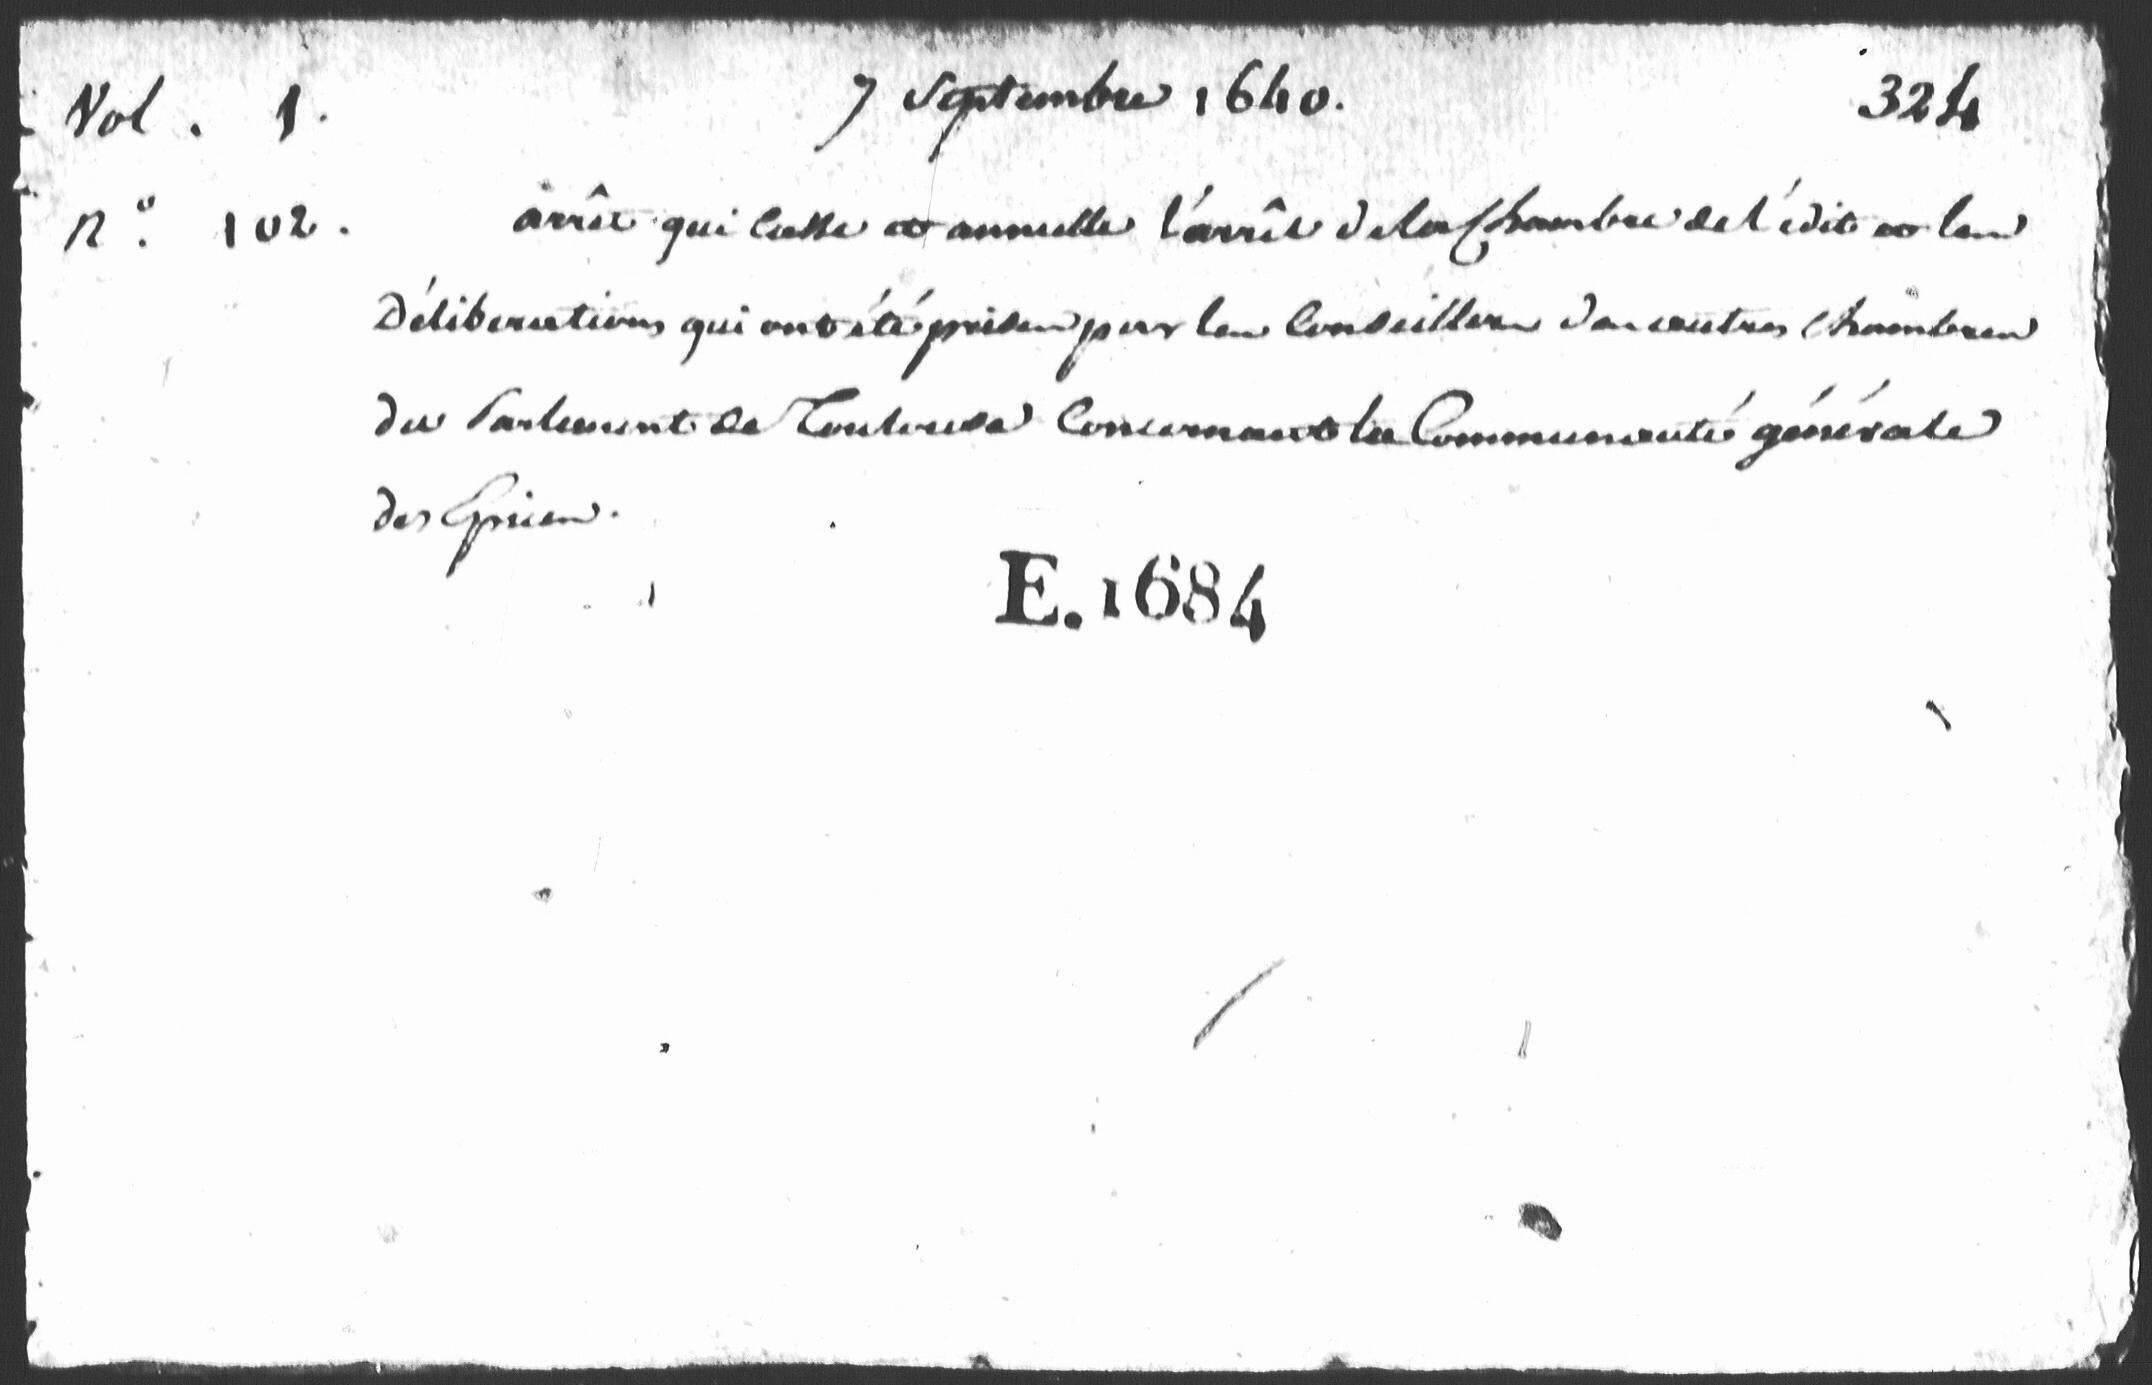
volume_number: n°102
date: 7 septembre 1640
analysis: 324
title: arrêt qui casse et annulle l'arrêt de la chambre de l'edit et les déliberations qui ont été prises par les conseillers des autres chambres du Parlement de Toulouse concernant la communauté générale des epices.
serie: E
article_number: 1684
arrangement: vol. 1
